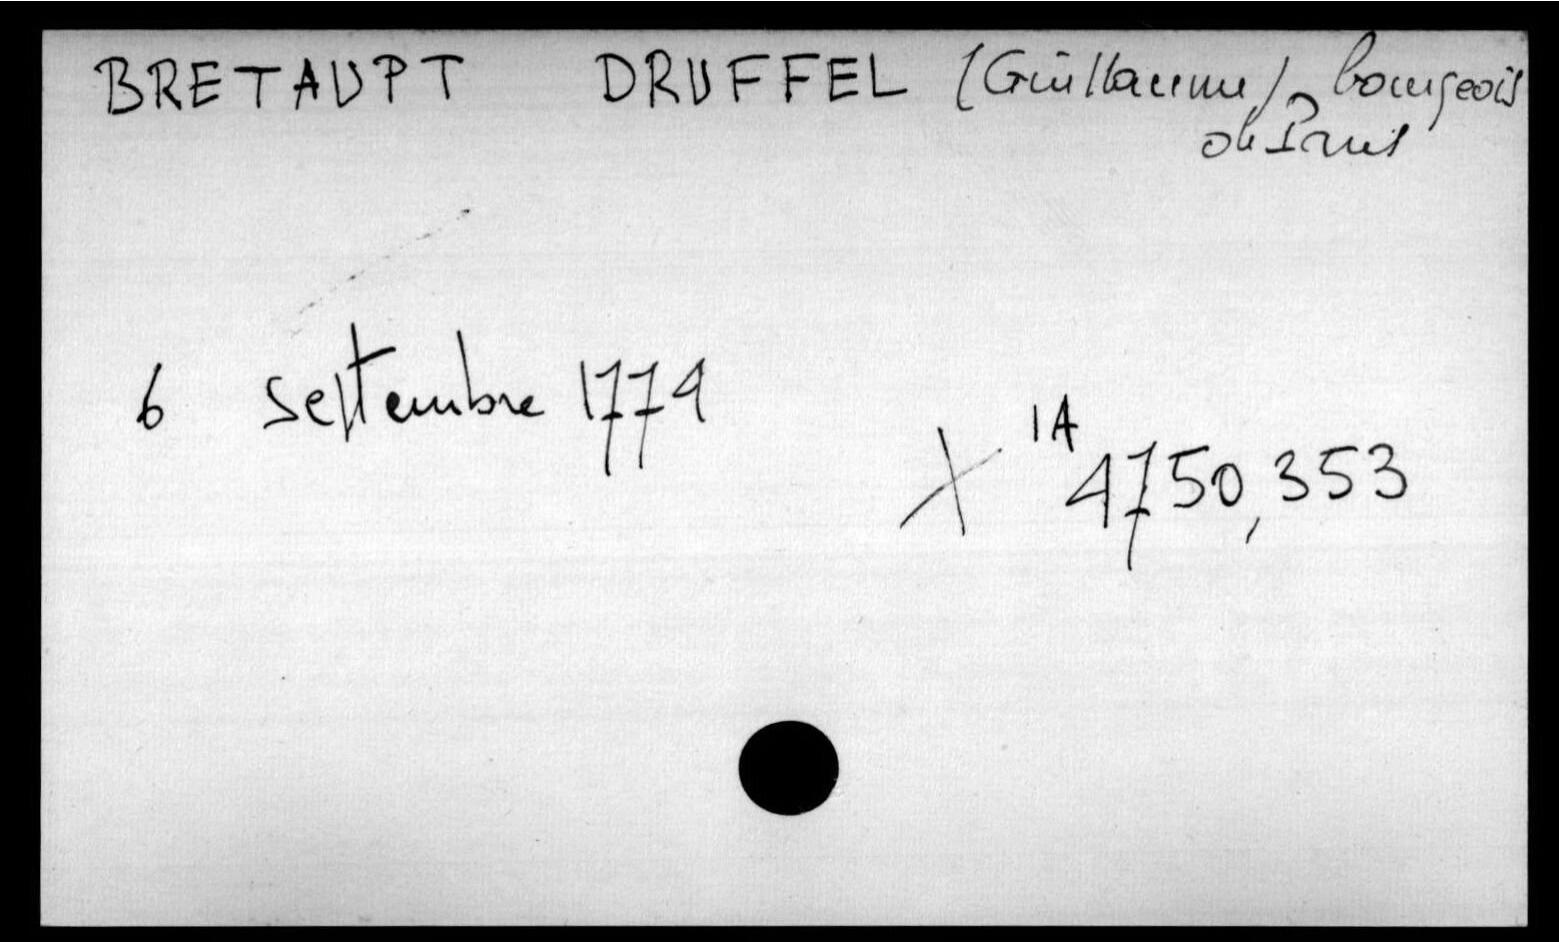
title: BRETAUPT DRUFFEL (Giillacime), bourgeois de Paris
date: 6 septembre 1774
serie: X1A
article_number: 4750
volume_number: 353
